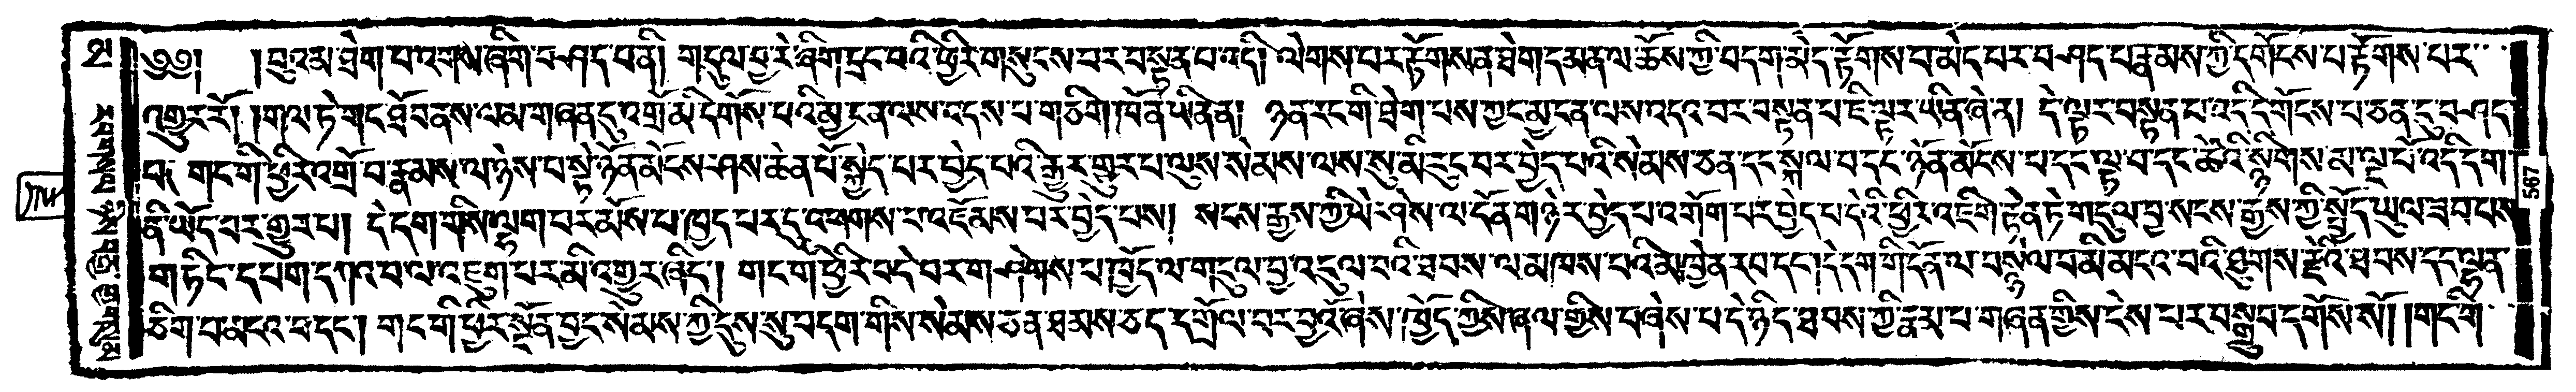༄༅། །བུའམ་ཐེག་པ་འགའ་ཞིག་བཤད་པ་ནི། གདུལ་བྱ་རེ་ཞིག་དྲང་བའི་ཕྱིར་གསུངས་པར་བསྟན་པ་འདི། ལེགས་པར་རྟོགས་ན་ཐེག་དམན་ལ་ཆོས་ཀྱི་བདག་མེད་རྟོགས་པ་མེད་པར་བཤད་པ་རྣམས་ཀྱི་དགོངས་པ་རྟོགས་པར་
འགྱུར་རོ། །གལ་ཏེ་གང་ཐོབ་ནས་ལམ་གཞན་དུ་འགྲོ་མི་དགོས་པའི་མྱ་ངན་ལས་འདས་པ་གཅིག་ཁོ་ན་ཡིན་ལ། ཉན་རང་གི་ཐེག་པས་ཀྱང་མྱ་ངན་ལས་འདའ་བར་བསྟན་པ་ཇི་ལྟར་ཡིན་ཞེ་ན། དེ་ལྟར་བསྟན་པ་འདི་དགོངས་པ་ཅན་དུ་བཤད་
པ༑ གང་གི་ཕྱིར་འགྲོ་བ་རྣམས་ལ་ཉེས་པ་སྟེ་ཉོན་མོངས་ཤས་ཆེན་པོ་སྐྱེད་པར་བྱེད་པའི་རྒྱུར་གྱུར་པ་ལུས་སེམས་ལས་སུ་མི་རུང་བར་བྱེད་པའི་སེམས་ཅན་དང་སྐལ་བ་དང་ཉོན་མོངས་པ་དང་ལྟ་བ་དང་ཚེའི་སྙིགས་མ་ལྔ་པོ་འདི་དག་
ནི་ཡོད་པར་འགྱུར་པ། དེ་དག་གིས་ལྷག་པར་མོས་པ་ཁྱད་པར་དུ་འཕགས་པ་འཇོམས་པར་བྱེད་པས། སངས་རྒྱས་ཀྱི་ཡེ་ཤེས་ལ་དོན་གཉེར་བྱེད་པ་འགོག་པར་བྱེད་པ་དེའི་ཕྱིར་འཇིག་རྟེན་ཏེ་གདུལ་བྱ་སངས་རྒྱས་ཀྱི་སྤྱོད་ཡུལ་ཟབ་པས་
གཏིང་དཔག་དཀའ་པ་ལ་འཇུག་པར་མི་འགྱུར་ཞིང་། གང་གི་ཕྱིར་བདེ་བར་གཤེགས་པ་ཁྱོད་ལ་གདུལ་བྱ་འདུལ་བའི་ཐབས་ལ་མཁས་པའི་མཁྱེན་རབ་དང་། དེ་དག་གི་དོན་ལ་བསྙེལ་བ་མི་མངའ་བའི་ཐུགས་རྗེའི་ཐབས་དང་ལྷན་
ཅིག་པ་མངའ་བ་དང་། གང་གི་ཕྱིར་སྔོན་བྱང་སེམས་ཀྱི་དུས་སུ་བདག་གིས་སེམས་ཅན་ཐམས་ཅད་དགྲོལ་བར་བྱའོ་ཞེས་ཁྱོད་ཀྱིས་ཞལ་གྱིས་བཞེས་པ་དེ་ཉིད་ཐབས་ཀྱི་རྣམ་པ་གཞན་གྱིས་ངེས་པར་བསྒྲུབ་དགོས་སོ། །གང་གི་